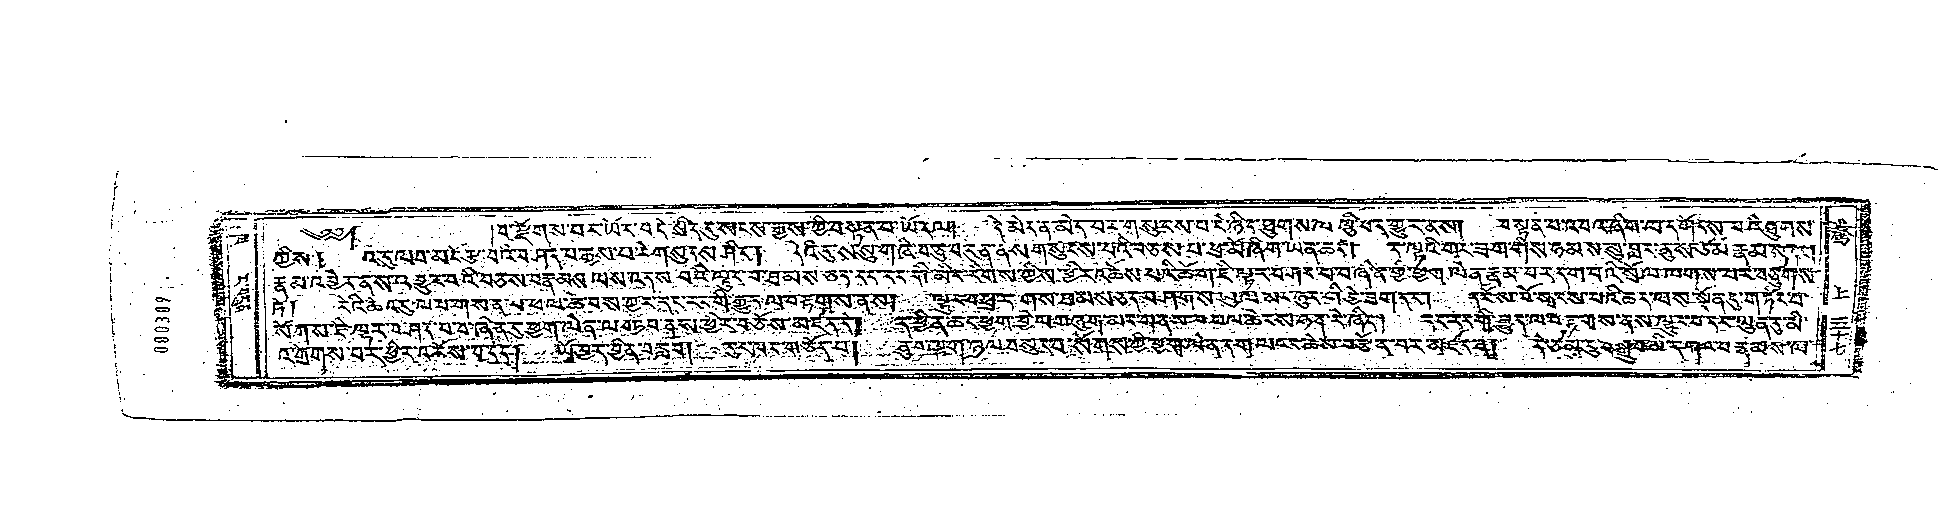༄༅། །བ་རྫོགས་པར་ཡོད་པ་དེ་སྲིད་དུ་སངས་རྒྱས་ཀྱི་བསྟན་པ་ཡོད་ལ། དེ་མེད་ན་མེད་པར་གསུངས་པ་དེ་ཉིད་ཐུགས་ལ་ལྕི་བར་གྱུར་ནས། བསྟན་པ་འབའ་ཞིག་ལ་དགོངས་པའི་ཐུགས་
ཀྱིས། འདུལ་བ་མདོ་རྩ་བའི་བཤད་པ་རྒྱས་པ་རེ་གསུངས་ཤིང་། དེའི་དུས་སུ་གཞི་བཅུ་བདུན་ནས་གསུངས་པའི་བཅས་པ་ཕྲ་མོ་ཞིག་ཡན་ཆད། ད་ལྟའི་གང་ཟག་གིས་ཉམས་སུ་བླང་ནུས་ཙམ་རྣམས་དང་།
རྣམ་འབྱེད་ནས་འབྱུང་བའི་བཅས་པ་རྣམས་ལས་འདས་པའི་ལྟུང་བ་ཐམས་ཅད་དང་རང་གི་མིང་རིགས་ཀྱིས་ཕྱིར་འཆེས་པའི་ཆོ་ག་ཇི་ལྟར་བཤད་པ་བཞིན་གྱི་ཕྱག་ལེན་རྣམ་པར་དག་པའི་སྲོལ་ལེགས་པར་བཙུགས་
ཏེ། དེའི་ཚེ་འདུལ་བ་གསན་པ་ཕལ་ཆེ་བས་ཀྱང་རང་རང་གི་རྒྱུད་ལ་བརྟགས་ནས། ལྟུང་བ་ཕྲ་རགས་ཐམས་ཅད་བཤགས་ཡུལ་མང་ཉུང་གི་བྱེ་བྲག་དང་། དངོས་པོ་སྤངས་པའི་ཚད་ལས་སྔོན་དུ་གཏོང་བ་
སོགས་ཇི་ལྟར་བཤད་པ་བཞིན་དུ་ཕྱག་ལེན་ལ་བཏབ་ནས་ཕྱིར་བཅོས་མཛད་དེ། ད་ཕྱིན་ཆད་ཕྱག་གྱི་ལ་གཉུག་མར་གནས་པ་ཕལ་ཆེངས་ཉན་རེ་ཞིང་། རང་རང་གི་རྒྱུད་ལ་བརྟགས་ནས་ལྟུང་བ་དང་ཡུན་དུ་མི་
འགྲོགས་པར་ཕྱིར་འཆོས་པ་དང་། ཡོ་བྱད་བྱིན་བརླབ། དུང་ཁང་གཅོད་པ། ནུབ་ལྷག་ཉལ་བསྲུང་བ་སོགས་ཀྱི་ཕྱག་ལེན་དག་ལའང་ཆེས་བརྩོན་པར་མཛད་ན། དེ་ཙམ་དུ་བསྒྲུབ་མི་དཀའ་བ་རྣམས་ལ་